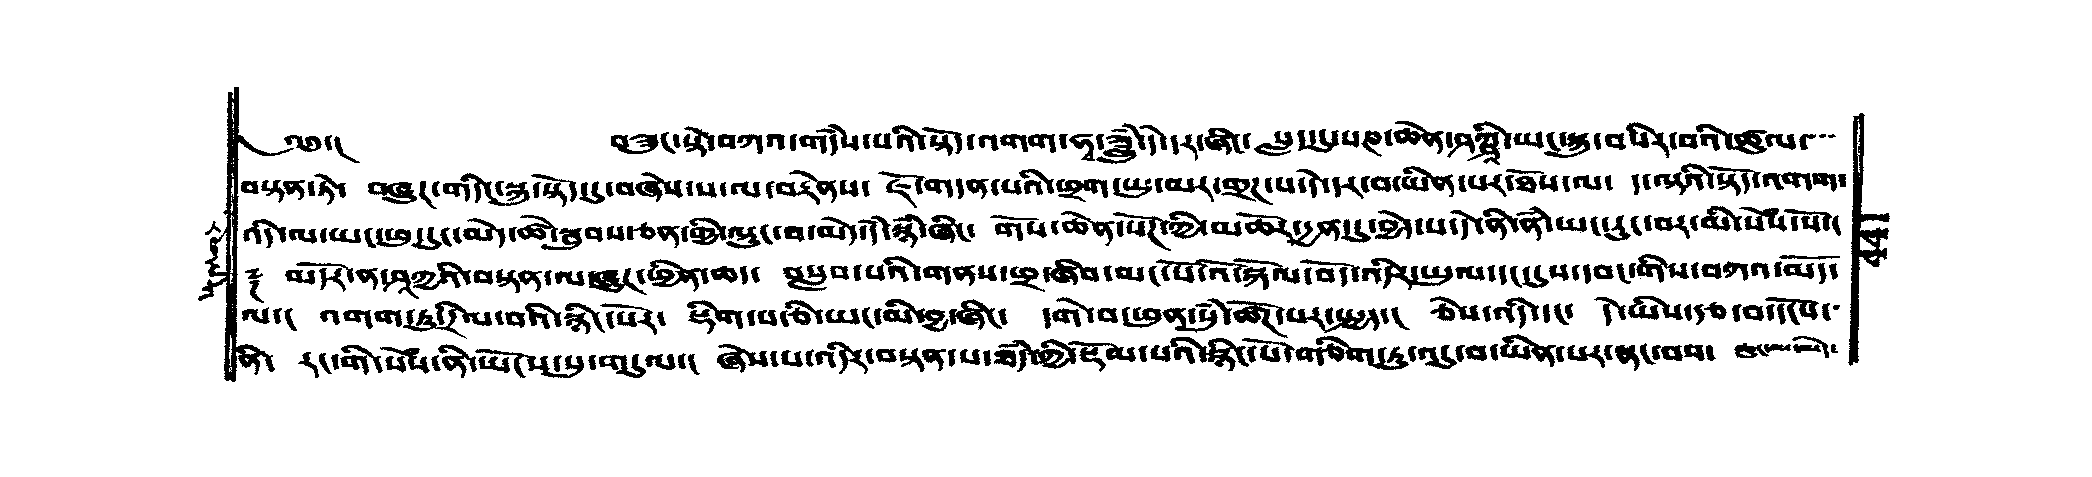བཟུང་སྟེ་བཀའ་གདམས་པའི་སྟོད་འགག་ཧྭ་ཟླུམ་དེ་དར་ཞིང་། སླད་དུ་པཎ་ཆེན་ཤཱཀྱ་ཤྲཱི་ཡང་སྐུ་བསིལ་བའི་ཚུལ་
བསྟན་ཏེ། བཞུགས་གདིང་སྐུ་སྟོད་དུ་བཞེས་པ་ལ་བརྟེན་ནས། ཇོ་གདན་པའི་ཕྲག་ཡུ་མར་གྲགས་པ་དེ་དར་བ་ཡིན་པར་ཐོས་ལ། ད་ལྟའི་སྟོད་འགག་
འདི་ལ་ཡང་ཕུ་དུང་མེད་ཚེ་སྦུབས་ཅན་གྱི་ལྟུང་བ་མེད་དམ་སྙམ་ཞིང་། གོས་ཆེན་སོགས་ཀྱི་མཆོར་རྒྱན་དུ་བྱེད་པ་དེ་ནི་ནམ་ཡང་རུང་བར་མི་སེམས་སོ། 
མདོར་ན་ཤཱཀྱའི་བསྟན་ལ་ཞུགས་ཕྱིན་ཆད། བསླབ་པའི་གནས་ཕྲ་ཞིབ་མང་པོ་འོ་སྐོལ་བོད་འདིར་ཡུལ་དང་དུས་དབང་གིས་བཀའ་མོད་
ལ། འགག་ཏུ་དྲིལ་བའི་སྙིང་པོར། སྡིག་པ་ཅི་ཡང་མི་བྱ་ཞིང་། དགེ་བ་ཕུན་སུམ་ཚོགས་པར་སྤྱད། ཅེས་འདི་དང་། དེ་ཡིས་རྩ་བ་དངོས་
ནི། རང་གི་སེམས་ནི་ཡོངས་སུ་གདུལ། ཞེས་པ་འདིར་བསྟན་པ་ཐམས་ཅད་ཀྱི་སྡོམ་པའི་སྙིང་པོ་གཅིག་ཏུ་འདུ་བ་ཡིན་པར་སྣང་བས་